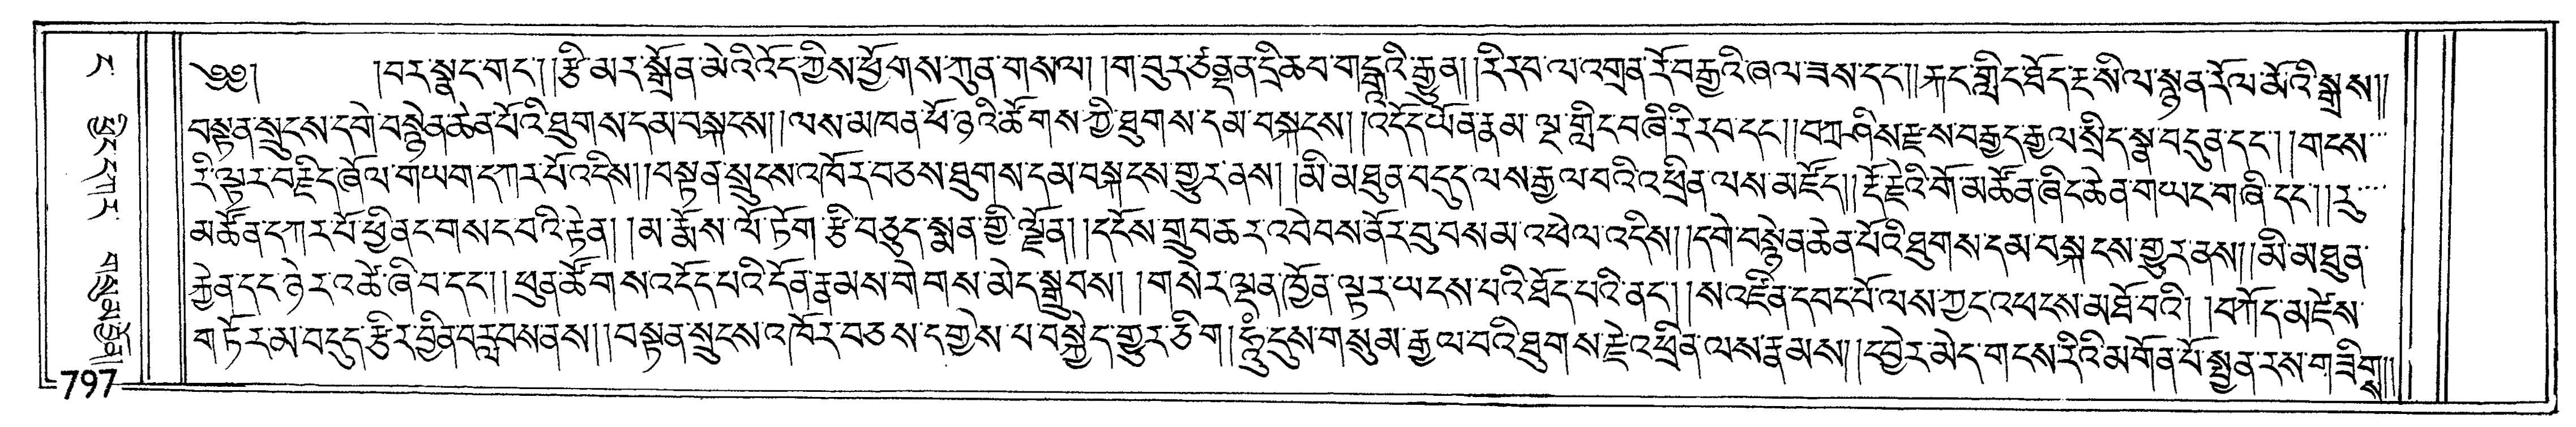༄༅། །བར་སྣང་གང་། །རྩི་མར་སྒྲོན་མེའི་འོད་ཀྱིས་ཕྱོགས་ཀུན་གསལ། །ག་བུར་ཙནྡན་དྲི་ཆབ་གངྒཱའི་རྒྱུན། །རི་རབ་ལ་འགྲན་རོ་བརྒྱའི་ཞལ་ཟས་དང་། །རྐང་གླིང་ཐོད་རྔ་སིལ་སྙན་རོལ་མོའི་སྒྲས། །
བསྟན་སྲུངས་དགེ་བསྙེན་ཆེན་པོའི་ཐུགས་དམ་བསྐངས། །ལས་མཁན་ཕོ་ཉའི་ཚོགས་ཀྱི་ཐུགས་དམ་བསྐངས། །འདོད་ཡོན་རྣམ་ལྔ་གླིང་བཞི་རི་རབ་དང་། །བཀྲ་ཤིས་རྫས་བརྒྱད་རྒྱལ་སྲིད་སྣ་བདུན་དང་། །གངས་
རི་ལྟར་བརྗིད་ཞོལ་གཡག་དཀར་པོ་འདིས། །བསྟན་སྲུངས་འཁོར་བཅས་ཐུགས་དམ་བསྐངས་གྱུར་ནས། །མི་མཐུན་བདུད་ལས་རྒྱལ་བའི་འཕྲིན་ལས་མཛོད། །རྡོ་རྗེའི་གོ་མཚོན་ཞིང་ཆེན་གཡང་གཞི་དང་། །རུ་
མཚོན་དཀར་པོ་ཕྱི་ནང་གསང་བའི་རྟེན། །མ་རྨོས་ལོ་ཏོག་རྩི་བཅུད་སྨན་གྱི་ལྗོན། །དངོས་གྲུབ་ཆར་འབེབས་ནོར་བུ་བསམ་འཕེལ་འདིས། །དགེ་བསྙེན་ཆེན་པོའི་ཐུགས་དམ་བསྐངས་གྱུར་ནས། །མི་མཐུན་
རྐྱེན་དང་ཉེར་འཚེ་ཞི་བ་དང་། །ཕུན་ཚོགས་འདོད་པའི་དོན་རྣམས་གེགས་མེད་སྒྲུབས། །གསེར་ལྡན་ཁྱོན་ལྟར་ཡངས་པའི་ཐོད་པའི་ནང་། །ས་འཛིན་དབང་པོ་ལས་ཀྱང་འཕངས་མཐོ་བའི། །བཀོད་མཛེས་
གཏོར་མ་བདུད་རྩིར་བྱིན་བརླབས་ནས། །བསྟན་སྲུངས་འཁོར་བཅས་དགྱེས་པ་བསྐྱེད་གྱུར་ཅིག །ཧཱུཾ་དུས་གསུམ་རྒྱལ་བའི་ཐུགས་རྗེ་འཕྲིན་ལས་རྣམས། །དབྱེར་མེད་གངས་རིའི་མགོན་པོ་སྤྱན་རས་གཟིགས། །